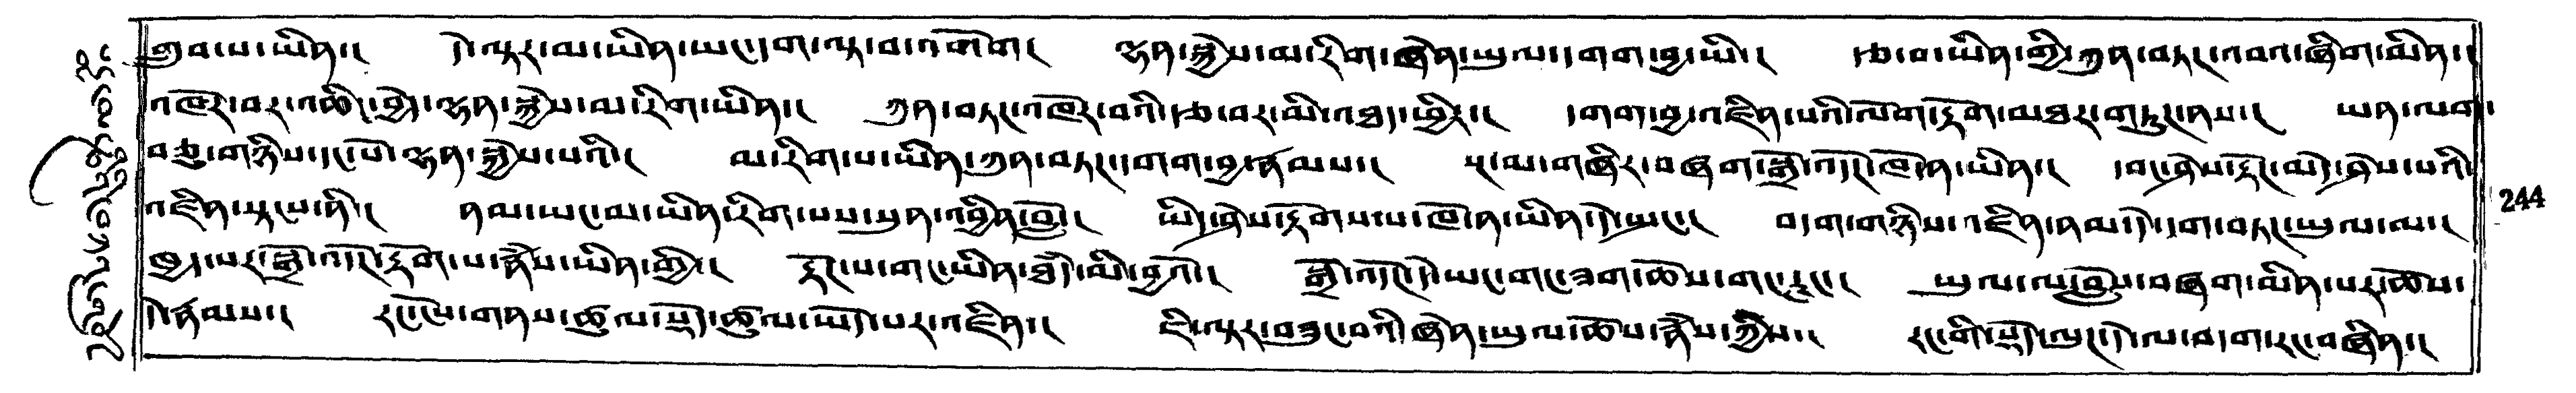གྲུབ་པ་ཡིན། །དེ་ལྟར་མ་ཡིན་ཡང་དག་ལྟ་བ་འགོག །ལྷན་སྐྱེས་མ་རིག་ཞེན་ཡུལ་དགག་བྱ་ཡི། །རྩ་བ་ཡིན་གྱི་ཀུན་བཏགས་འབའ་ཞིག་མིན། །
འཁོར་བར་འཆིང་བྱེད་ལྷན་སྐྱེས་མ་རིག་ཡིན། །ཀུན་བཏགས་འཁོར་བའི་རྩ་བར་མི་འཐད་ཕྱིར། །དགག་བྱ་འཛིན་པའི་ལོག་རྟོག་མཐར་གཏུགས་ནས། །ཡན་ལག་
བཅུ་གཉིས་དང་པོ་ལྷན་སྐྱེས་པའི། །མ་རིག་པ་ཡིན་ཀུན་བཏགས་དགག་བྱ་རྣམས། །སྔ་མ་གཞིར་བཞག་སྒྲོ་འདོགས་ཁོ་ན་ཡིན། །དབང་ཤེས་རྟོག་མེད་ཤེས་པའི་
འཛིན་སྟངས་ནི། །ནམ་ཡང་མ་ཡིན་རིགས་པས་སུན་འབྱིན་བློ། །ཡིད་ཤེས་རྟོག་པ་ཁོ་ན་ཡིན་དེ་སྤང་། །བདག་གཉིས་འཛིན་ནམ་དེ་དག་བཏགས་ཡུལ་ལ།
ཁྱད་པར་སྒྲོ་འདོགས་རྟོག་པ་རྣམས་ཡིན་གྱི། །རྟོག་པ་གང་ཡིན་ཐམས་ཅད་མི་བྱའོ། །སྒྲོ་འདོགས་དེ་ཡང་གང་ཟག་ཆོས་གང་རུང་། །ཡུལ་ལ་བློས་བཞག་མིན་པར་ཆོས་
དེ་རྣམས། །རང་ངོས་གནས་ཚུལ་སྡོད་ཚུལ་ཡོད་པར་འཛིན། །ཇི་ལྟར་ག་ཟུང་བའི་ཞེན་ཡུལ་ཆོས་རྣམས་ཀྱི། །རང་གི་སྡོད་ལུགས་དེ་ལ་བདག་རང་བཞིན།